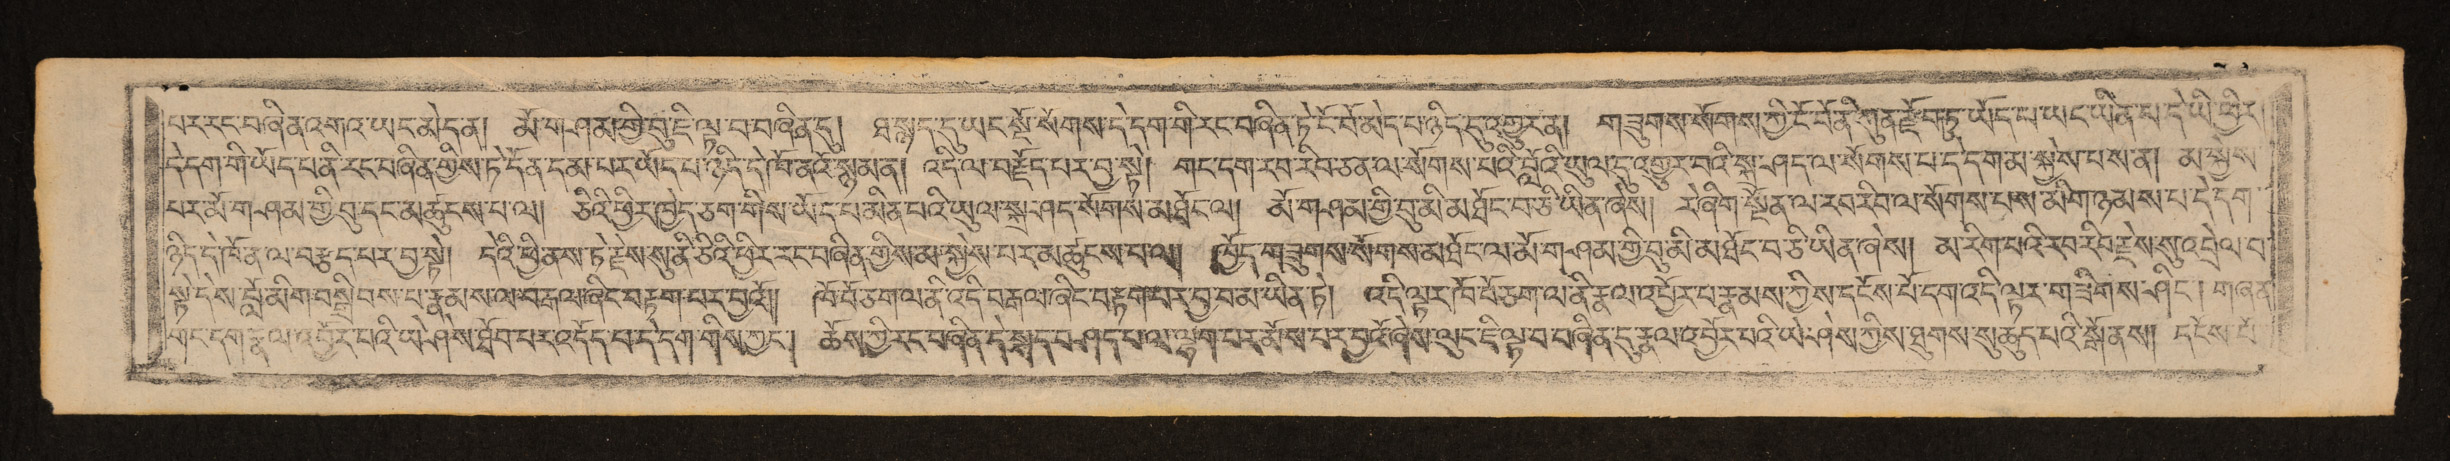པར་རང་བཞིན་འགའ་ཡང་མེད་ན། མོ་གཤམ་གྱི་བུ་ཇི་ལྟ་བ་བཞིན་དུ། ཐ་སྙད་དུ་ཡང་སྔོ་སོགས་དེ་དག་གི་རང་བཞིན་ཏེ་ངོ་བོ་མེད་པ་ཉིད་དུ་འགྱུར་ན། གཟུགས་སོགས་ཀྱི་ངོ་བོ་ནི་ཀུན་རྫོབ་ཏུ་ཡོད་པ་ཡང་ཡིན་པ་དེ་ཡི་ཕྱིར།
དེ་དག་གི་ཡོད་པ་ནི་རང་བཞིན་གྱིས་ཏེ་དོན་དམ་པར་ཡོད་པ་ཉིད་དེ་ཁོ་ནའོ་སྙམ་ན། འདི་ལ་བརྗོད་པར་བྱ་སྟེ། གང་དག་རབ་རིབ་ཅན་ལ་སོགས་པའི་བློའི་ཡུལ་དུ་འགྱུར་བའི་སྐྲ་ཤད་ལ་སོགས་པ་དེ་དག་མ་སྐྱེས་པས་ན། མ་སྐྱེས་
པར་མོ་གཤམ་གྱི་བུ་དང་མཚུངས་པ་ལ། ཅིའི་ཕྱིར་ཁྱེད་ཅག་གིས་ཡོད་པ་མིན་པའི་ཡུལ་སྐྲ་ཤད་སོགས་མཐོང་ལ། མོ་གཤམ་གྱི་བུ་མི་མཐོང་བ་ཅི་ཡིན་ཞེས། རེ་ཞིག་སྔོན་ལ་རབ་རིབ་ལ་སོགས་པས་མིག་ཉམས་པ་དེ་དག་
ཉིད་དེ་ཁོ་ན་ལ་བརྩད་པར་བྱ་སྟེ། དེའི་ཕྱི་ནས་ཏེ་རྗེས་སུ་ནི་ཅིའི་ཕྱིར་རང་བཞིན་གྱིས་མ་སྐྱེས་པར་མཚུངས་པ་ལ། ཁྱོད་གཟུགས་སོགས་མཐོང་ལ་མོ་གཤམ་གྱི་བུ་མི་མཐོང་བ་ཅི་ཡིན་ཞེས། མ་རིག་པའི་རབ་རིབ་རྗེས་སུ་འབྲེལ་བ་
སྟེ་དེས་བློ་མིག་བསྒྲིབས་པ་རྣམས་ལ་བརྒལ་ཞིང་བརྟག་པར་བྱའོ།། ཁོ་བོ་ཅག་ལ་ནི་འདི་བརྒལ་ཞིང་བརྟག་པར་བྱ་བ་མ་ཡིན་ཏེ། འདི་ལྟར་ཁོ་བོ་ཅག་ལ་ནི་རྣལ་འབྱོར་པ་རྣམས་ཀྱིས་དངོས་པོ་དག་འདི་ལྟར་གཟིགས་ཤིང་། གཞན་
གང་དག་རྣལ་འབྱོར་བའི་ཡེ་ཤེས་ཐོབ་པར་འདོད་པ་དེ་དག་གིས་ཀྱང་། ཆོས་ཀྱི་རང་བཞིན་དེ་སྐད་བཤད་པ་ལ་ལྷག་པར་མོས་པར་བྱའོ་ཞེས་ལུང་ཇི་ལྟ་བ་བཞིན་དུ་རྣལ་འབྱོར་བའི་ཡེ་ཤེས་ཀྱིས་ཐུགས་སུ་ཆུད་པའི་སྒོ་ནས། དངོས་པོ་